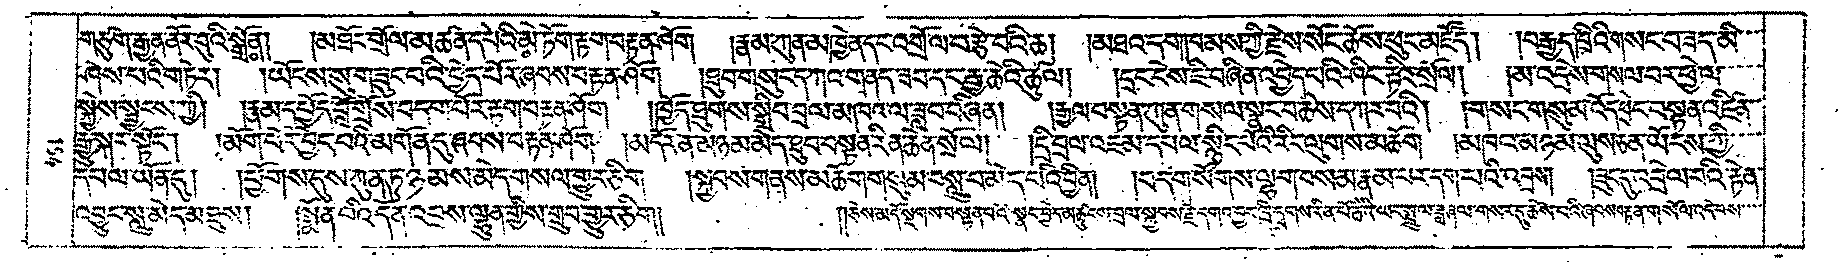གཙུག་རྒྱན་ནོར་བུའི་སྒྲོན། །མཐོང་གྲོལ་མཚན་དཔེའི་མེ་ཏོག་རྟག་བརྟན་ཤོག །རྣམ་ཀུན་མཁྱེན་དང་འགྲོ་ལ་བརྩེ་བའི་ཆ། །མཐའ་དག་ཁམས་ཀྱི་རྗེས་སོང་ཆོས་ཕུང་མཛོད། །བརྒྱད་ཁྲིའི་གསང་བ་ཟད་མི་
ཤེས་པའི་གཏེར། །ཡོངས་སུ་གཟུང་བའི་བྱེད་པོར་ཞབས་བརྟན་ཤོག །ཐུབ་གསུང་དཀའ་གནད་ཟབ་དང་རྒྱ་ཆེའི་ཚུལ། །དྲང་ངེས་ཇི་བཞིན་འབྱེད་པའི་ཤིང་རྟའི་སྲོལ། །མ་འདྲེས་གསལ་བར་ཕྱེ་ལ་
སྐྱེས་སྦྱངས་ཀྱི། །རྣམ་དཔྱོད་བློ་གྲོས་བདག་པོར་རྟག་བརྟན་ཤོག །ཁྱོད་ཐུགས་སྒྲིབ་བྲལ་མཁའ་ལ་ཟླ་བ་བཞིན། །རྒྱལ་བསྟན་ཀུན་གསལ་སྣང་བ་ཆེས་དཀར་བའི། །གསང་གསུམ་འོད་ཕྲེང་བསྟན་འཛིན་
རྒྱུ་སྐར་སྟོང་། །མོག་པོར་བྱེད་པའི་མགོན་དུ་ཞབས་བརྟན་ཤོག །མདོར་ན་མཉམ་མེད་ཐུབ་བསྟན་རིན་ཆེན་སྲོལ། །དྲི་བྲལ་འཇམ་དཔལ་སྙིང་པོའི་རིང་ལུགས་མཆོག །མཁའ་མཉམ་ལུས་ཅན་ཡོངས་ཀྱི་
དཔལ་ཡོན་དུ། །ཕྱོགས་དུས་ཀུན་ཏུ་ཉམས་མེད་གསལ་གྱུར་ཅིག །སྐྱབས་གནས་མཆོག་གསུམ་བསླུ་བ་མེད་པའི་བྱིན། །བདག་སོགས་ལྷག་བསམ་རྣམ་པར་དག་པའི་འབྲས། །ཟུང་དུ་འབྲེལ་བའི་རྟེན་
འབྱུང་སླུ་མེད་མཐུས། །སྨོན་པའི་དོན་འབྲས་ལྷུན་གྱིས་གྲུབ་གྱུར་ཅིག ། །།ཅེས་མདོ་སྔགས་བསྟན་པའི་སྣང་བྱེད་མཚུངས་བྲལ་སྐྱབས་རྗེ་དགའ་བྱང་ཁྲི་དྭགས་རིན་པོ་ཆེའི་ཡང་སྤྲུལ་ཟླ་ཞལ་གསར་དུ་ཚེས་པའི་ཞབས་བརྟན་གསོལ་འདེབས་